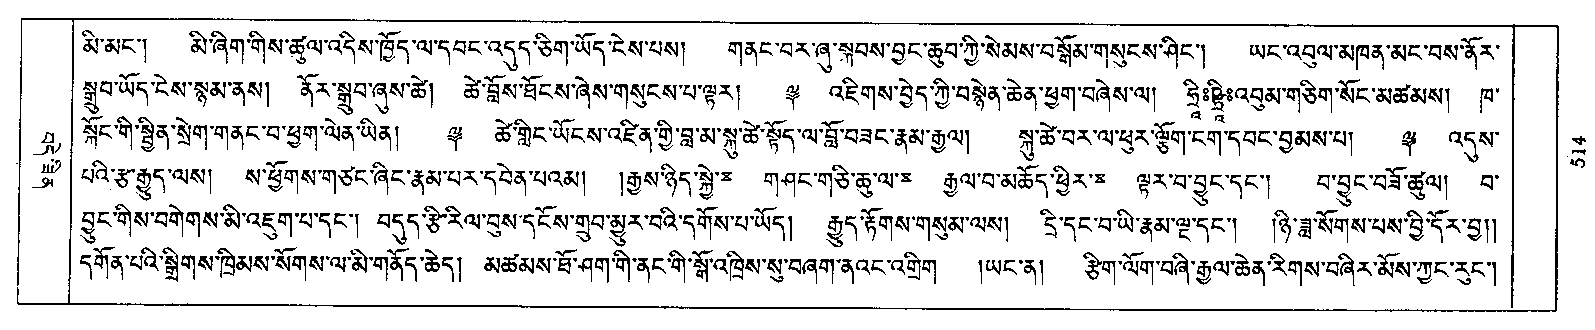མི་མང་། མི་ཞིག་གིས་ཚུལ་འདིས་ཁྱོད་ལ་དབང་འདུད་ཅིག་ཡོད་ངེས་པས། གནང་བར་ཞུ་སྐབས་བྱང་ཆུབ་ཀྱི་སེམས་བསྒོམ་གསུངས་ཤིང་། ཡང་འབུལ་མཁན་མང་བས་ནོར་
སྒྲུབ་ཡོད་ངེས་སྙམ་ནས། ནོར་སྒྲུབ་ཞུས་ཚེ། ཚེ་བློས་ཐོངས་ཞེས་གསུངས་པ་ལྟར། ༈ འཇིགས་བྱེད་ཀྱི་བསྙེན་ཆེན་ཕྱག་བཞེས་ལ། ཧྲཱིཿ ཥྟྲཱིཿ འབུམ་གཅིག་སོང་མཚམས། ཁ་
སྐོང་གི་སྦྱིན་སྲེག་གནང་བ་ཕྱག་ལེན་ཡིན། ༈ ཚེ་གླིང་ཡོངས་འཛིན་གྱི་བླ་མ་སྐུ་ཚེ་སྟོད་ལ་བློ་བཟང་རྣམ་རྒྱལ། སྐུ་ཚེ་བར་ལ་ཕུར་ལྕོག་ངག་དབང་བྱམས་པ། ༈ འདུས་
པའི་རྩ་རྒྱུད་ལས། ས་ཕྱོགས་གཙང་ཞིང་རྣམ་པར་དབེན་པའམ། །རྒྱས་ཉིད་སྐྱེ་྾་གཤང་གཅི་ཆུ་ལ་྾་རྒྱལ་བ་མཆོད་ཕྱིར་྾་ལྟར་བ་བྱུང་དང་། བ་བྱུང་བཟོ་ཚུལ། བ་
བྱུང་གིས་བགེགས་མི་འཇུག་པ་དང་། བདུད་རྩི་རིལ་བུས་དངོས་གྲུབ་མྱུར་བའི་དགོས་པ་ཡོད། རྒྱུད་རྟོགས་གསུམ་ལས། དྲི་དང་བ་ཡི་རྣམ་ལྔ་དང་། །ཉི་ཟླ་སོགས་པས་བྱིན་དོར་བྱ།།
དགོན་པའི་སྒྲིགས་ཁྲིམས་སོགས་ལ་མི་གནོད་ཆེད། མཚམས་ཐོ་ཤག་གི་ནང་གི་སྒོ་འཁྲིས་སུ་བཞག་ནའང་འགྲིག །ཡང་ན། རྩིག་ལོག་བཞི་རྒྱལ་ཆེན་རིགས་བཞིར་མོས་ཀྱང་རུང་།